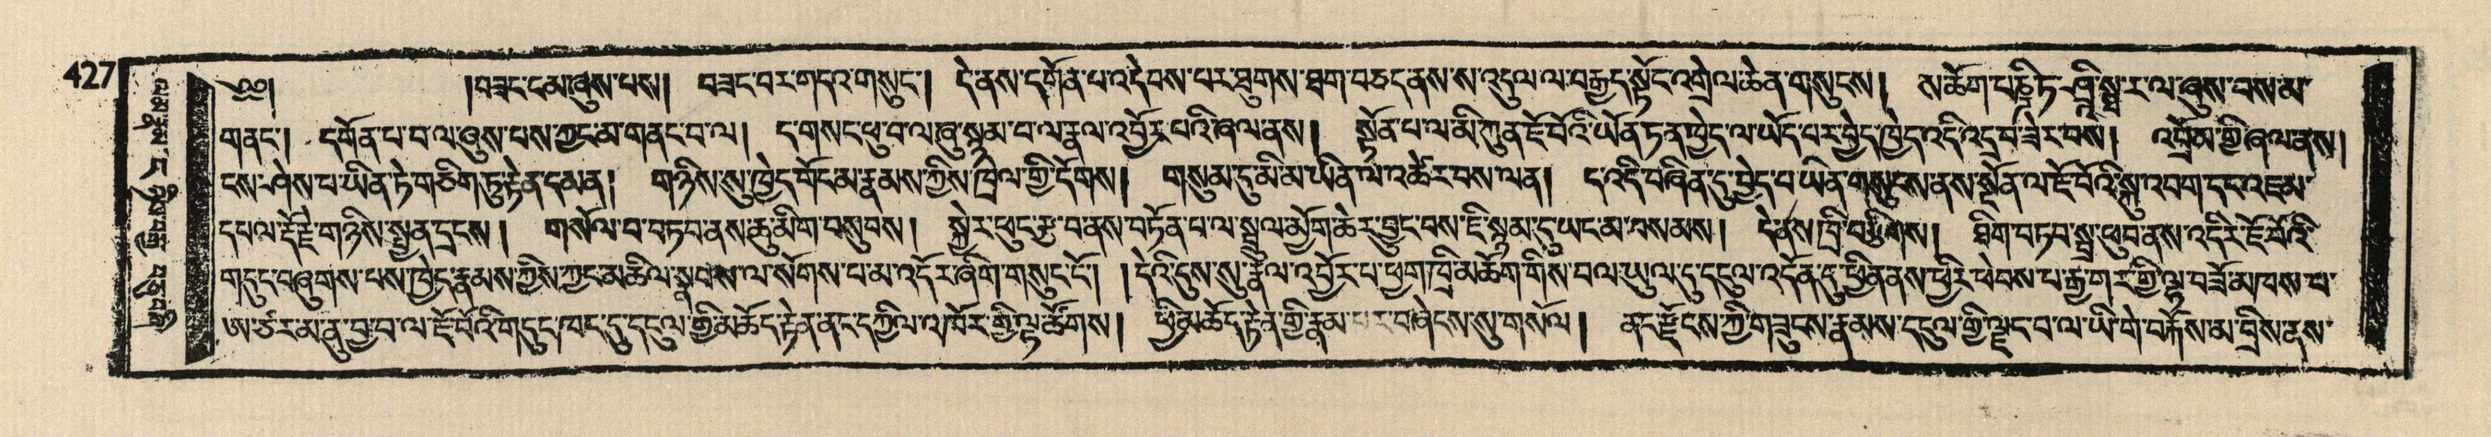༄༅། །བཟང་ངམ་ཞུས་པས། བཟང་བར་གདའ་གསུང་། དེ་ནས་དགོན་པ་འདེབས་པར་ཐུགས་ཐག་བཅད་ནས་ས་འདུལ་ལ་བརྒྱད་སྟོང་འགྲེལ་ཆེན་གསུངས། ས་ཆོག་པཎྜི་ཏ་ཤྲཱི་སྠ་ར་ལ་ཞུས་བསམ་
གནང་། དགོན་པ་བ་ལ་ཞུས་པས་ཀྱང་མ་གནང་བ་ལ། ད་གསང་ཕུ་བ་ལ་ཞུ་སྙམ་བ་ལ་རྣལ་འབྱོར་པའི་ཞལ་ནས། སྟོན་པ་ལ་མི་ཀུན་ཇོ་བོའི་ཡོན་ཏན་ཁྱེད་ལ་ཡོད་པར་བྱེད་ཁྱེད་འདི་འདྲ་བ་ཟེར་བས། འབྲོམ་གྱི་ཞལ་ནས།
ངས་ཤེས་པ་ཡིན་ཏེ་གཅིག་ཏུ་རྟེན་དམན། གཉིས་སུ་ཁྱེད་གོང་མ་རྣམས་ཀྱིས་ཁྲེལ་གྱི་དོགས། གསུམ་དུ་མི་མ་ཡིན་ལ་འཚེར་བས་ལན། ད་འདི་བཞིན་དུ་བྱེད་པ་ཡིན་གསུངས་ནས་སྔོན་ལ་ཇོ་བོའི་སྐུ་འབག་དང་འཇམ་
དཔལ་རྡོ་རྗེ་གཉིས་སྤྱན་དྲངས། གསོལ་བ་བཏབ་ནས་ཆུ་མིག་བསུབས། སྐྱེར་ཕུང་རྩ་བ་ནས་བཏོན་པ་ལ་སྦྲུལ་མྱོག་ཆེར་བྱུང་བས་ཇི་སྙམ་དུ་ཡང་མ་བསམས། དེ་ནས་ཁྲི་བརྩིགས། ཐིག་བཏབ་སྦྲ་ཕུབ་ནས་འདིར་ཇོ་བོའི་
གདུང་བཞུགས་པས་ཁྱེད་རྣམས་ཀྱིས་ཀྱང་མཆིལ་སྣབས་ལ་སོགས་པ་མ་འདོར་ཞིག་གསུང་ངོ། །དེའི་དུས་སུ་རྣལ་འབྱོར་པ་ཕྱག་ཁྲི་མཆོག་གིས་བལ་ཡུལ་དུ་དངུལ་འདོན་དུ་ཕྱིན་ནས་ཕྱིར་ཕེབས་པ་རྒྱ་གར་གྱི་ལྷ་བཟོ་མཁས་པ་
ཨ་ཙ་ར་མ་ནུ་བྱ་བ་ལ་ཇོ་བོའི་གདུང་ཁང་དུ་དངུལ་གྱི་མཆོད་རྟེན་ནང་དཀྱིལ་འཁོར་གྱི་ལྷ་ཚོགས། ཕྱི་མཆོད་རྟེན་གྱི་རྣམ་པར་བཞེངས་སུ་གསོལ། ནང་རྫོངས་ཀྱི་གཟུངས་རྣམས་དངུལ་གྱི་ལྗང་པ་ལ་ཡི་གེ་བརྐོས་མ་བྲིས་ནས་